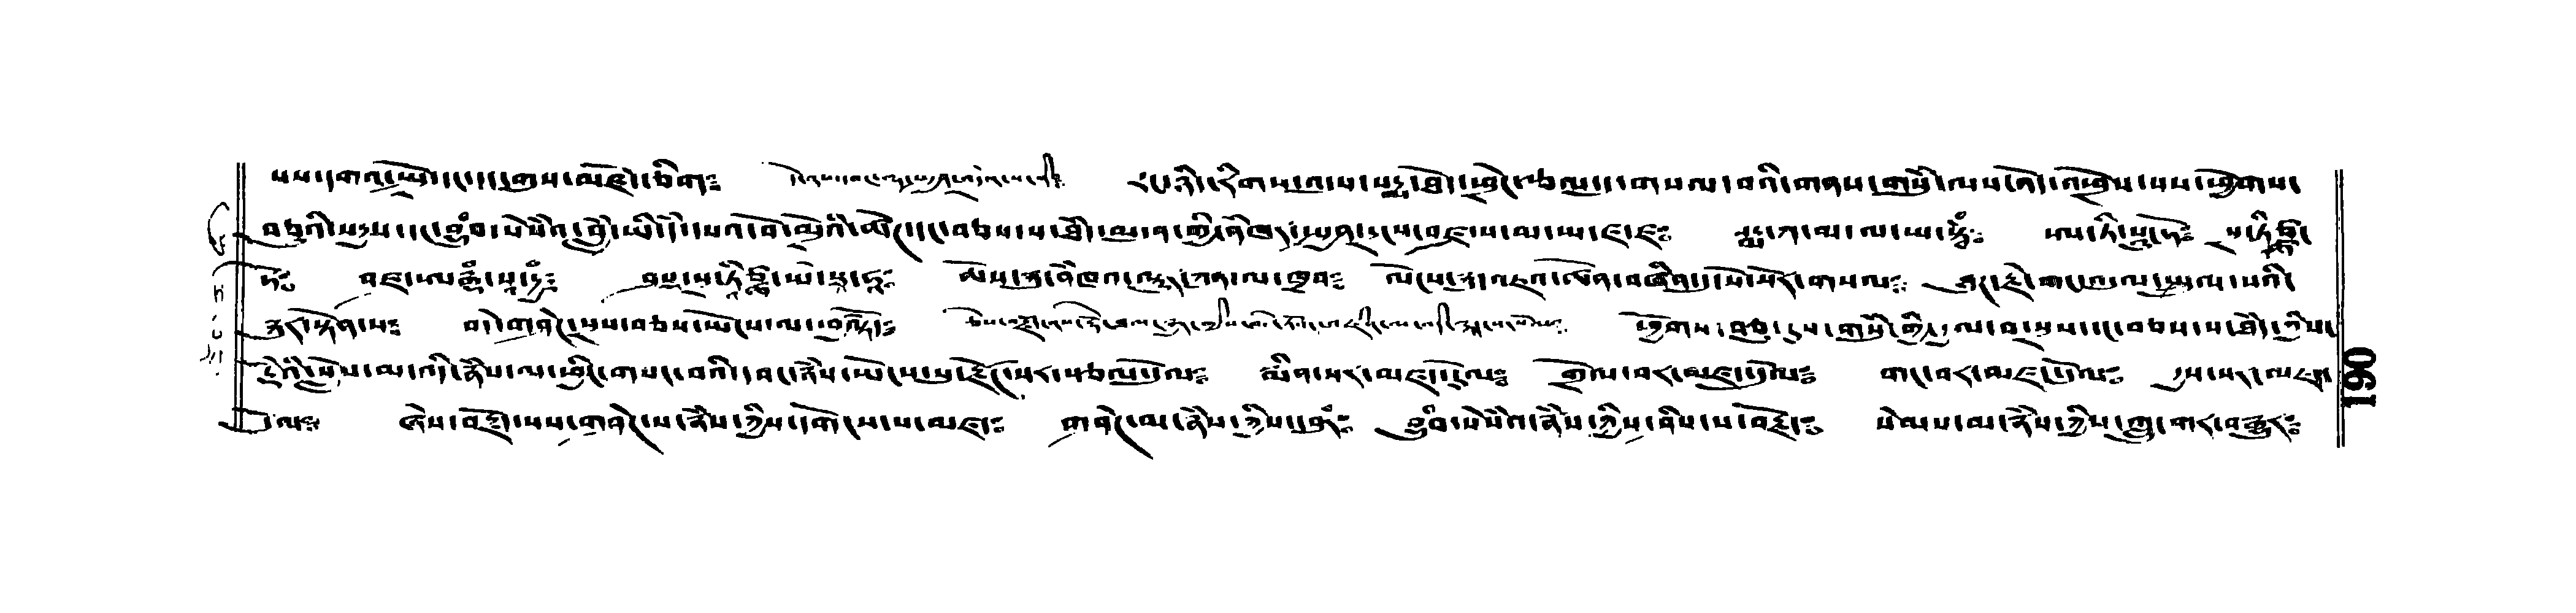པས་དགའ་སྤྲོ་དང་དད་གུས་མཛོད་ཅིག༔ དེ་ནས་དབང་ལྷ་སྤྱན་འདྲེན་པ་ནི༔ རང་ཉིད་རིགས་འདུས་པདྨ་ཐོད་ཕྲེང་རྩལ་དུ་གསལ་བའི་གནས་གསུམ་ལས་འོད་འཕྲོས་པས་ཕྱོགས་
བཅུའི་སངས་རྒྱས་བྱང་ཆུབ་སེམས་དཔའ་བླ་མ་ཡི་དམ་དཔའ་བོ་མཁའ་འགྲོའི་ཚོགས་དང་བཅས་པ་ཐམས་ཅད་མདུན་གྱི་ནམ་མཁར་སྤྱན་དྲངས་བཛྲ་ས་མ་ཡ་ཛ་ཛཿ པདྨ་ཀ་མ་ལ་ཡ་སྟྭྃ༔ ཨ་ཏི་པཱུ་ཧོ༔ པྲ་ཏཱིཙྪ་
ཧོཿ བཛྲ་ཨརྒྷཾ་པཱ་དྱཾ༴ ཤཔྡ་པྲ་ཏཱིཙྪ་ཡེ་སྭཱ་ཧཱ༔ ཆོས་སྐུ་ནམ་མཁའ་ལྟ་བུར་ཀུན་ལ་ཁྱབ༔ ལོངས་སྐུ་འཇའ་ཚོན་བཞིན་དུ་སོ་སོར་གསལ༔ཐུགས་རྗེ་གང་འདུལ་སྤྲུལ་པའི་
སྐུར་སྟོན་པ༔ བདེ་གཤེགས་སྲས་བཅས་ཡོངས་ལ་ཕྱག་འཚལ་བསྟོད༔ ཅེས་བརྗོད་ནས་རྡོ་རྗེ་ཐལ་སྦྱར་གྱིས་མེ་ཏོག་འཛིན་ལ་འདི་སྐད་གསོལ༔ ཕྱོགས་བཅུ་དུས་གསུམ་གྱི་རྒྱལ་བ་སྲས་དང་བཅས་པ་ཐམས་ཅད་ཀྱིས་
རྡོ་རྗེའི་སློབ་མ་འདི་རྣམས་ལ་ཕྱི་ནང་གསང་བའི་དབང་རྣམས་ཡོངས་སུ་རྫོགས་པར་བསྩལ་དུ་གསོལ༔ སྨིན་པར་མཛད་དུ་གསོལ༔ གྲོལ་བར་མཛད་དུ་གསོལ༔ གང་བར་མཛད་དུ་གསོལ༔ རྒྱས་པར་མཛད་
དུ་གསོལ༔ ཅེས་བརྗོད་པས་གཤེགས་པ་རྣམས་ཀྱིས་དགོངས་པ་མཛད༔ གཤེགས་མ་རྣམས་ཀྱིས་དབང་བསྐུར་མར༔ བྱང་ཆུབ་སེམས་དཔའ་རྣམས་ཀྱིས་ཤིས་པ་བརྗོད༔ སེམས་མ་རྣམས་ཀྱིས་གླུ་གར་བསྒྱུར༔